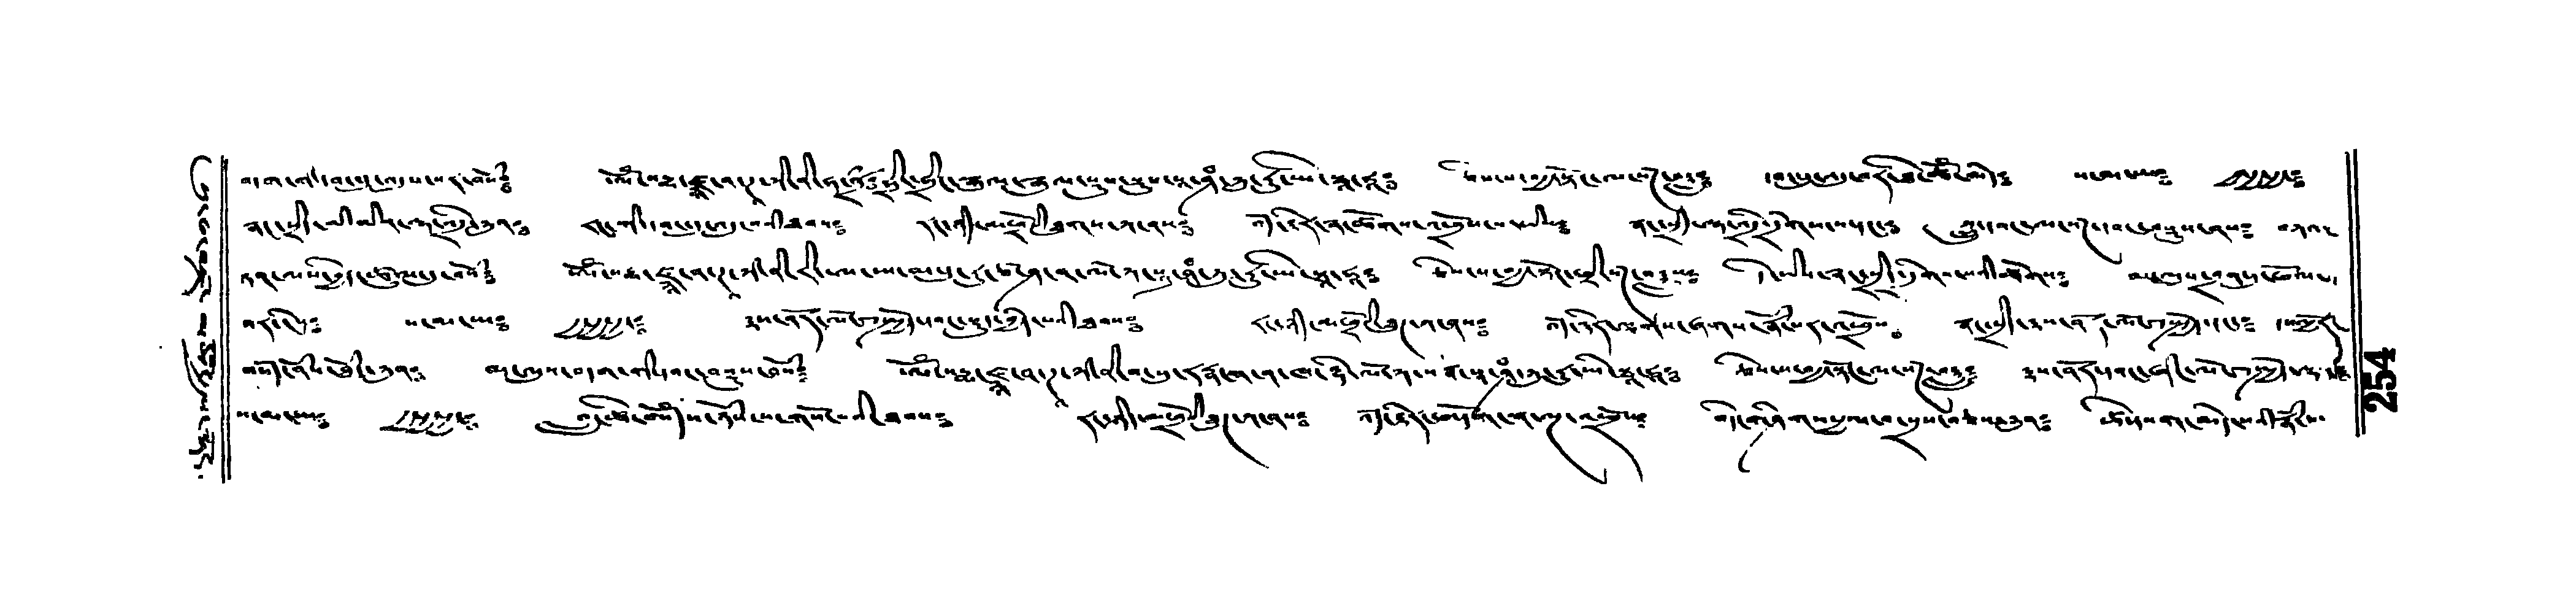བདག་གི་དབང་དུ་འདུས་པར་བསམ༔ ཨོཾ་པདྨ་ཛྙཱ་ན་ཌཱ་ཀི་ནི་ཧ་ནྲྀཿཧྲིང་ཧྲིང་སྒུལ་སྒུལ་སྡུས་སྡུས་པཱ་ཤཾ་ཀུ་རུ་ཡེ་སྭཱ་ཧཱཿ ཅེས་པ་བརྒྱ་སྟོང་ལ་སོགས་བཟླ༔ དབང་དུ་འདུ་བར་ཐེ་ཚོམ་མེད༔ ས་མ་ཡ༔ རྒྱ་རྒྱ་རྒྱ༔ 
སྣང་སྲིད་མི་མིན་ལྷ་འདྲེ་ཀུན༔ རང་གི་དབང་དུ་འདུ་བའི་ཐབས༔ རང་ཉིད་མཁའ་འགྲོའི་ཐུགས་ཀ་ནས༔ འོད་ཟེར་སྣ་ཚོགས་འཕྲོས་པ་ཡིས༔ སྣང་སྲིད་ལྷ་འདྲེ་དྲེགས་པ་དང༔ ཀླུ་དབང་ལ་སོགས་དབང་བསྡུས་ནས༔ བཀའ་
ཉན་ལས་བྱེད་ཚུལ་དུ་བསམ༔ ཨོཾ་པདྨ་ཛྙཱ་ན་ཌཱ་ཀི་ནི་རི་ཨ་ཡ་མ་དུ་རུ་ཙ་ཤ་ན་ལོ་ཀ་པཱ་ཤཾ་ཀུ་རུ་ཡེ་སྭཱ་ཧཱཿ ཅེས་པ་བརྒྱ་སྟོང་ཁྲི་སོགས་བཟླ༔ དེ་ཡིས་སྣང་སྲིད་དྲེགས་པའི་ཚོགས༔ མ་ལུས་བྲན་དུ་ཁོལ་
བར་ངེས༔ ས་མ་ཡ༔ རྒྱ་རྒྱ་རྒྱ༔ ཟས་ནོར་ལོངས་སྤྱོད་དབང་སྡུད་བྱེད་པའི་ཐབས༔ རང་ཉིད་མཁའ་འགྲོའི་ཐུགས་ཀ་ནས༔ འོད་ཟེར་ལྕགས་ཞགས་རྣམ་པར་འཕྲོས༔ སྣང་སྲིད་ཟས་ནོར་ལོངས་སྤྱོད་དང༔ དཔལ་འབྱོར་
བསོད་ནམས་ཐམས་ཅད་ཀུན༔ མ་ལུས་བདག་གི་དབང་བསྡུས་བསམ༔ ཨོཾ་པདྨ་ཛྙཱ་ན་ཌཱ་ཀི་ནི་བ་སུ་རཏྣ་ཀ་ན་ཁ་དྷེ་ལོ་ཀ་སརྦ་པཱ་ཤཾ་ཀུ་རུ་ཡེ་སྭཱ་ཧཱཿ ཅེས་པ་བརྒྱ་སྟོང་ལ་སོགས་བཟླ༔ ཟས་ནོར་དབང་ཞིང་ལོངས་སྤྱོད་ལྡན༔ 
ས་མ་ཡ༔ རྒྱ་རྒྱ་རྒྱ༔ བླ་ཚེ་བསོད་ནམས་ཉམས་པ་གསོ་བའི་ཐབས༔ རང་ཉིད་མཁའ་འགྲོའི་ཐུགས་ཀ་ནས༔ འོད་ཟེར་ཁ་དོག་སྣ་ལྔ་འཕྲོས༔ བདེ་གཤེགས་རྒྱལ་བ་སྲས་བཅས་ཀུན༔ ཚེ་དཔག་མེད་པའི་རྣམ་པ་